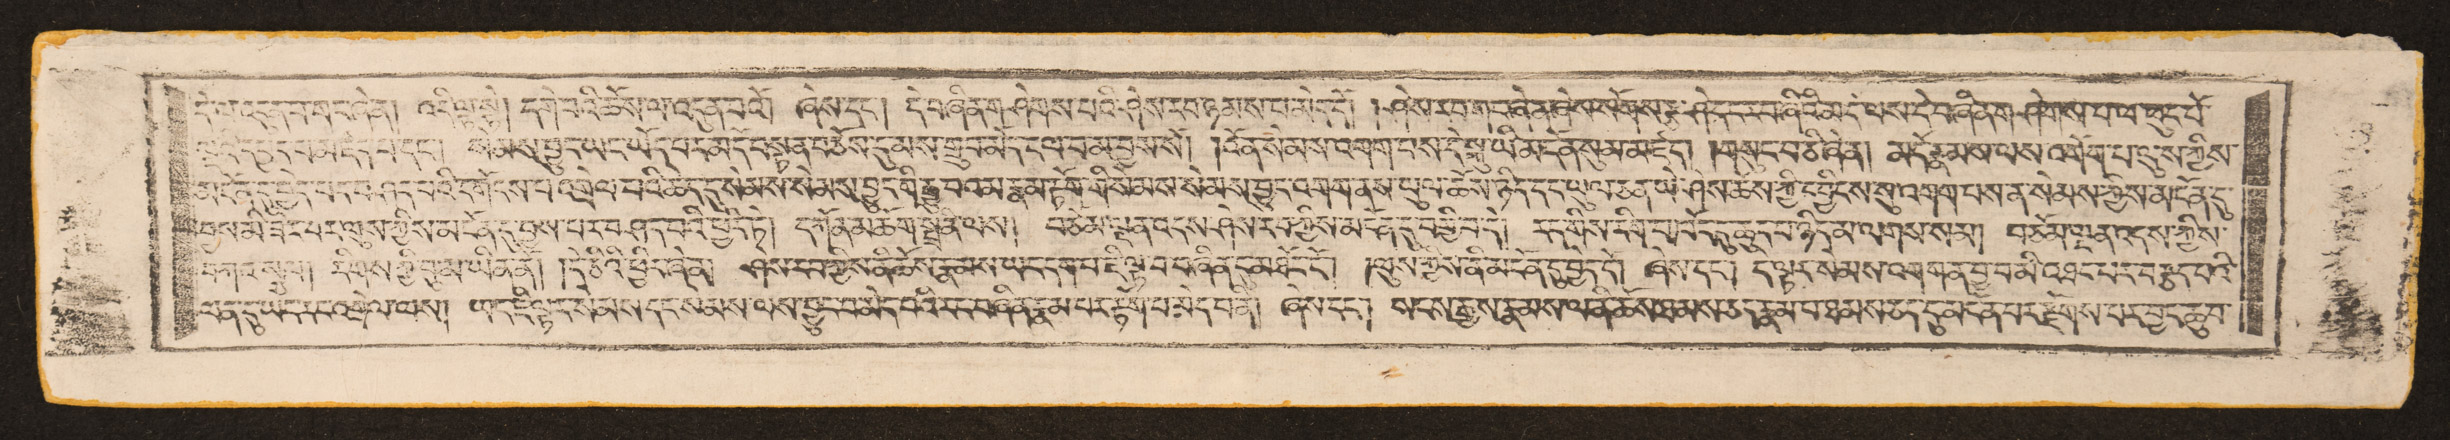དེ་ལ་བདུན་པ་གང་ཞེ་ན། འདི་ལྟ་སྟེ། དགེ་བའི་ཆོས་ལ་འདུན་བའོ། ཞེས་དང་། དེ་བཞིན་གཤེགས་པའི་ཤེས་རབ་ཉམས་བ་མེད་དོ། །ཤེས་རབ་གང་ཞེ་ན་ཞེས་སོགས་རྩ་ཤེད་?་དང་?་རབ་ཞིའི་མདོ་ལས་དེ་བཞིན་གཤེགས་པ་ལ་ཕུང་པོ་
ལྔའི་དཔྱད་བ་མཛད་པ་དང་། སེམས་བྱུང་ཡང་ཡོད་པར་མདོ་བསྟན་བཅོས་དུ་མས་གྲུབ་མོད་ངལ་བ་མ་བྱས་སོ། །འོ་ན་སེམས་འགག་པས་དེ་སྐུ་ཡི་མདོན་སུམ་མཛད། །གསུང་བ་ཅི་ཞེན། མདོ་རྣམས་ལས་འགོག་པ་ལུས་ཀྱིས་
མངོན་དུ་བྱེད་པར་བཤད་པའི་དགོངས་པ་འགྲེལ་བའི་ཆེད་དུ་སེམས་སེམས་བྱུང་གི་རྒྱུ་བའམ་རྣམ་རྟོག་གི་སེམས་སེམས་བྱུང་འགག་ནས་ཡུལ་ཆོས་ཉིད་དད་ཡུལ་ཅན་ཡེ་ཤེས་ཆོས་ཀྱི་དབྱིངས་སུ་འགག་པས་ན་སེམས་ཀྱིས་མངོན་དུ་
བྱས་མི་ཟེར་པར་ལུས་ཀྱིས་མངོན་དུ་བྱས་བར་བཤད་པའི་ཕྱིར་ཏེ། དཀོན་མཆོག་སྤྲིན་ལས། བཅོམ་ལྡན་འདས་ཤེས་རབ་ཀྱིས་མངོན་དུ་བགྱི་བདེ། རང་གིས་རིག་པ་ཁོད་དུ་ཆུད་པ་ཉིད་མ་ལགས་སམ། བཅོམ་ལྡན་འདས་ཀྱིས་
བཀའ་སྩལ། རིགས་ཀྱི་བུ་མ་ཡིན་ནོ། །དེ་ཅིའི་ཕྱིར་ཞེ་ན། ཤེས་རབ་ཀྱིས་ནི་ཆོས་རྣམས་ཡང་དག་པ་ཇི་ལྟ་བ་བཞིན་དུ་མཐོང་ངོ། །ལུས་ཀྱིས་ནི་མངོན་དུ་བྱེད་དོ། ཞེས་དང་། དེ་ལྟར་སེམས་འགག་ན་བྱ་བ་མི་འཐད་པར་བརྩད་བའི་
ལན་དུ་ཡང་རང་འགྲེལ་ལས། ཡང་ཇི་ལྟར་སེམས་དང་སེམས་ལས་བྱུང་བ་མེད་པའི་རང་བཞིན་རྣམ་པར་རྟོག་པ་མེད་པ་ནི། ཞེས་དང་། སངས་རྒྱས་རྣམས་ལ་ནི་ཆོས་ཐམས་ཅད་རྣམ་པ་ཐམས་ཅད་དུ་མངོན་པར་རྫོགས་བར་བྱང་ཆུབ་